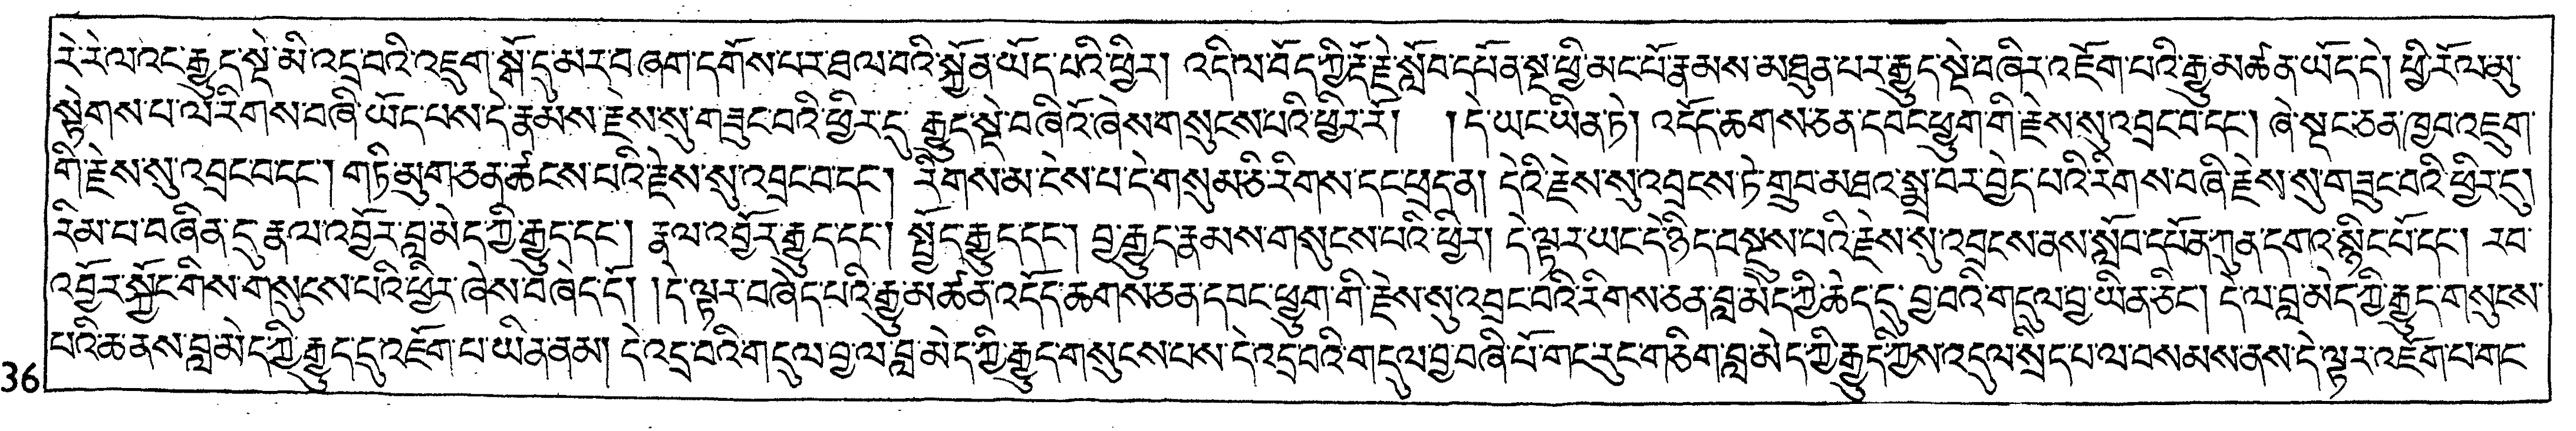རེ་རེ་ལའང་རྒྱུད་སྡེ་མི་འདྲ་བའི་འཇུག་སྒོ་དུ་མར་བཞག་དགོས་པར་ཐལ་བའི་སྐྱོན་ཡོད་པའི་ཕྱིར། འདི་ལ་བོད་ཀྱི་རྡོ་རྗེ་སློབ་དཔོན་སྔ་ཕྱི་མང་པོ་རྣམས་མཐུན་པར་རྒྱུད་སྡེ་བཞིར་འཇོག་པའི་རྒྱུ་མཚན་ཡོད་དེ། ཕྱི་རོལ་མུ་
སྟེགས་པ་ལ་རིགས་བཞི་ཡོད་པས་དེ་རྣམས་རྗེས་སུ་གཟུང་བའི་ཕྱིར་དུ་རྒྱུད་སྡེ་བཞིའོ་ཞེས་གསུངས་པའི་ཕྱིར་རོ། །དེ་ཡང་ཡིན་ཏེ། འདོད་ཆགས་ཅན་དབང་ཕྱུག་གི་རྗེས་སུ་འབྲང་བ་དང་། ཞེ་སྡང་ཅན་ཁྱབ་འཇུག་
གི་རྗེས་སུ་འབྲང་བ་དང་། གཏི་མུག་ཅན་ཚངས་པའི་རྗེས་སུ་འབྲང་བ་དང་། རིགས་མ་ངེས་པ་དེ་གསུམ་ཅི་རིགས་དང་ཕྲད་ན། དེའི་རྗེས་སུ་འབྲངས་ཏེ་གྲུབ་མཐའ་སྨྲ་བར་བྱེད་པའི་རིགས་བཞི་རྗེས་སུ་གཟུང་བའི་ཕྱིར་དུ།
རིམ་པ་བཞིན་དུ་རྣལ་འབྱོར་བླ་མེད་ཀྱི་རྒྱུད་དང་། རྣལ་འབྱོར་རྒྱུད་དང་། སྤྱོད་རྒྱུད་དང་། བྱ་རྒྱུད་རྣམས་གསུངས་པའི་ཕྱིར། དེ་ལྟར་ཡང་དེ་ཉིད་བསྡུས་པའི་རྗེས་སུ་འབྲངས་ནས་སློབ་དཔོན་ཀུན་དགའ་སྙིང་པོ་དང་། རབ་
འབྱོར་སྐྱོང་གིས་གསུངས་པའི་ཕྱིར་ཞེས་བཞེད་དོ། །དེ་ལྟར་བཞེད་པའི་རྒྱུ་མཚན་འདོད་ཆགས་ཅན་དབང་ཕྱུག་གི་རྗེས་སུ་འབྲང་བའི་རིགས་ཅན་བླ་མེད་ཀྱི་ཆེད་དུ་བྱ་བའི་གདུལ་བྱ་ཡིན་ཅིང་། དེ་ལ་བླ་མེད་ཀྱི་རྒྱུད་གསུངས་
པའི་ཆ་ནས་བླ་མེད་ཀྱི་རྒྱུད་དུ་འཇོག་པ་ཡིན་ནམ། དེ་འདྲ་བའི་གདུལ་བྱ་ལ་བླ་མེད་ཀྱི་རྒྱུད་གསུངས་པས་དེ་འདྲ་བའི་གདུལ་བྱ་བཞི་པོ་གང་རུང་གཅིག་བླ་མེད་ཀྱི་རྒྱུད་ཀྱིས་འདུལ་སྲིད་པ་ལ་བསམས་ནས་དེ་ལྟར་འཇོག་པ་གང་